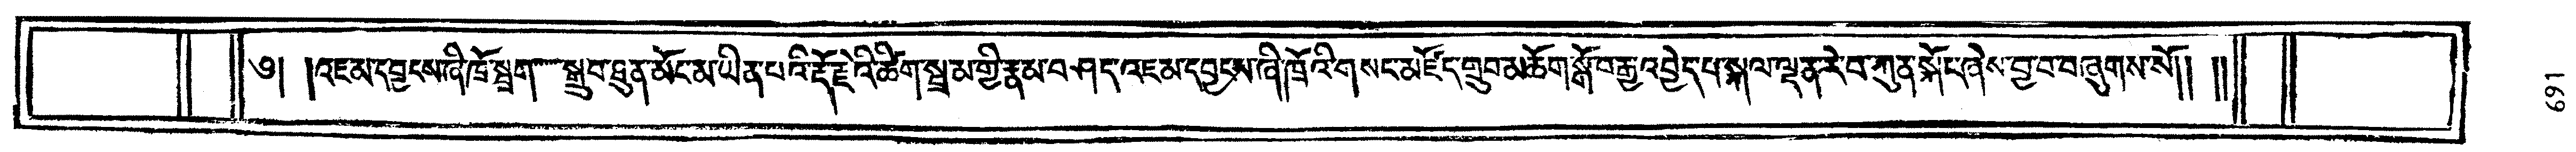༈། །འཇམ་དབྱངས་ཞི་ཁྲོ་སྦྲག་སྒྲུབ་ཐུན་མོང་མ་ཡིན་པའི་རྡོ་རྗེའི་ཚིག་སྦྲམ་གྱི་རྣམ་བཤད་འཇམ་དབྱངས་ཞི་ཁྲོའི་གསང་མཛོད་གྲུབ་མཆོག་སྒོ་བརྒྱ་འབྱེད་པ་སྐལ་ལྡན་རེ་བ་ཀུན་སྐོང་ཞེས་བྱ་བ་བཞུགས་སོ།། །།